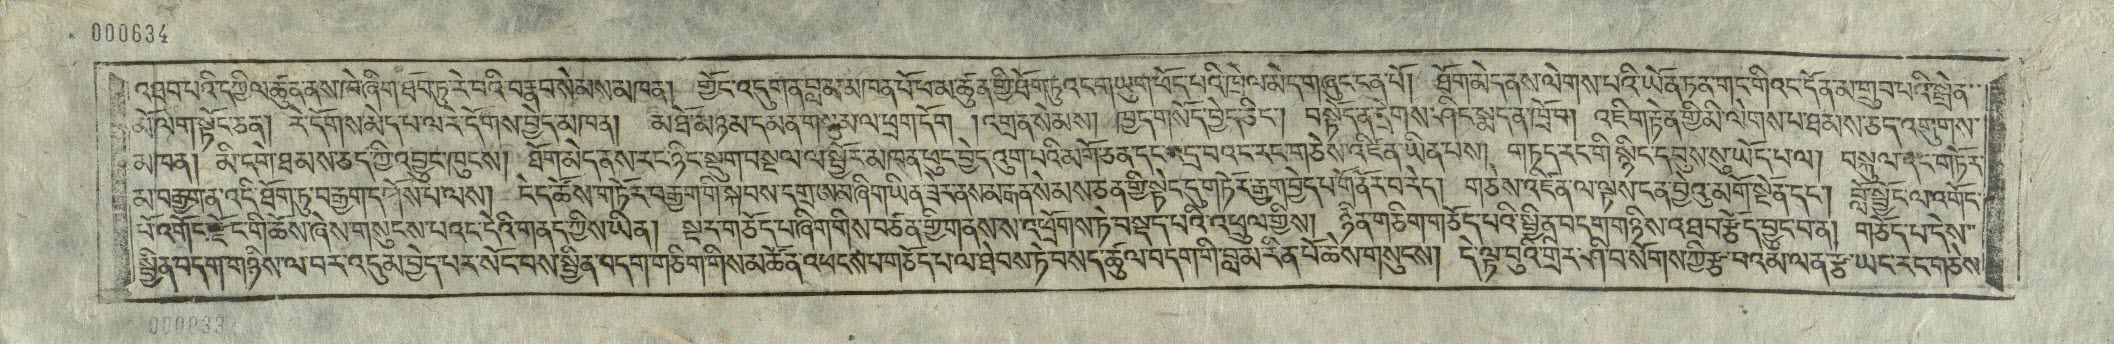འཐབ་པའི་དཀྱིལ་ཚུན་ནས་ཁེ་ཞིག་ཐོབ་ཏུ་རེ་བའི་བརྣབ་སེམས་མཁན། གྱོང་འདུག་ན་བླ་མ་མཁན་པོ་ཕ་མ་ཚུན་གྱི་ཐོག་ཏུའང་གཡུག་ཕོད་པའི་ཁྲེལ་མེད་གཞུང་ངན་པོ། ཐོག་མེད་ནས་ལེགས་པའི་ཡོན་ཏན་གང་གིའང་དོན་མ་གྲུབ་པའི་སྒྲེན་
མོ་ལག་སྟོང་ཅན། རེ་དོགས་མེད་པ་ལ་རེ་དོགས་བྱེད་མཁན། མཐོ་མཉམ་དམན་གསུམ་ལ་ཕྲག་དོག་འགྲན་སེམས། ཁྱད་གསོད་བྱེད་ཅིང་། བསྟོད་ན་དྲེགས་ཤིང་སྨད་ན་ཁྲོ་བ། འཇིག་རྟེན་གྱི་མི་ལེགས་པ་ཐམས་ཅད་འགུགས་
མཁན། མི་དགེ་ཐམས་ཅད་ཀྱི་འབྱུང་ཁུངས། ཐོག་མེད་ནས་རང་ཉིད་སྡུག་བསྔལ་ལ་སྦྱོར་མཁན་ཕུང་བྱེད་འུག་པའི་མགོ་ཅན་དང་འདྲ་བའང་རང་གཅེས་འཛིན་ཡིན་པས། གཏད་རང་གི་སྙིང་དབུས་སུ་ཡོད་པ་ལ། བསྐུལ་དང་གཏོར་
མ་བརྒྱག་ན་འདི་ཐོག་ཏུ་བརྒྱག་དགོས་པ་ལས། ངེད་ཚོས་གཏོར་བརྒྱག་གི་སྐབས་དགྲ་ཨ་མ་ཞིག་ཡིན་ཟེར་ནས་མ་རྒན་སེམས་ཅན་གྱི་སྟེང་དུ་གཏོར་རྒྱག་བྱེད་པ་གོ་ནོར་བ་རེད། གཅེས་འཛིན་ལ་ལྟས་ངན་བྱེའུ་མགོ་སྔོན་དང་། བློ་སྦྱོང་ལ་འགོང་
པོ་འགོང་རྫོང་གི་ཆོས་ཞེས་གསུངས་པའང་དེའི་གནད་ཀྱིས་ཡིན། སྔར་གཅོད་པ་ཞིག་གིས་བཙན་གྱི་གནས་ས་འཕྲོགས་ཏེ་བསྡད་པའི་འཕྲུལ་གྱིས། ཉིན་གཅིག་གཅོད་པའི་སྦྱིན་བདག་གཉིས་འཐབ་རྩོད་བྱུང་བ་ན། གཅོད་པ་དེས་
སྦྱིན་བདག་གཉིས་ལ་བར་འདུམ་བྱེད་པར་སོང་བས་སྦྱིན་བདག་གཅིག་གིས་མཚོན་འཕངས་པ་གཅོད་པ་ལ་ཐེབས་ཏེ་བསད་ཚུལ་བདག་གི་བླ་མ་རིན་པོ་ཆེས་གསུངས། དེ་ལྟ་བུའི་གྲིར་ཤི་བ་སོགས་ཀྱི་རྩ་བའམ་ལན་རྩ་ཡང་རང་གཅེས་